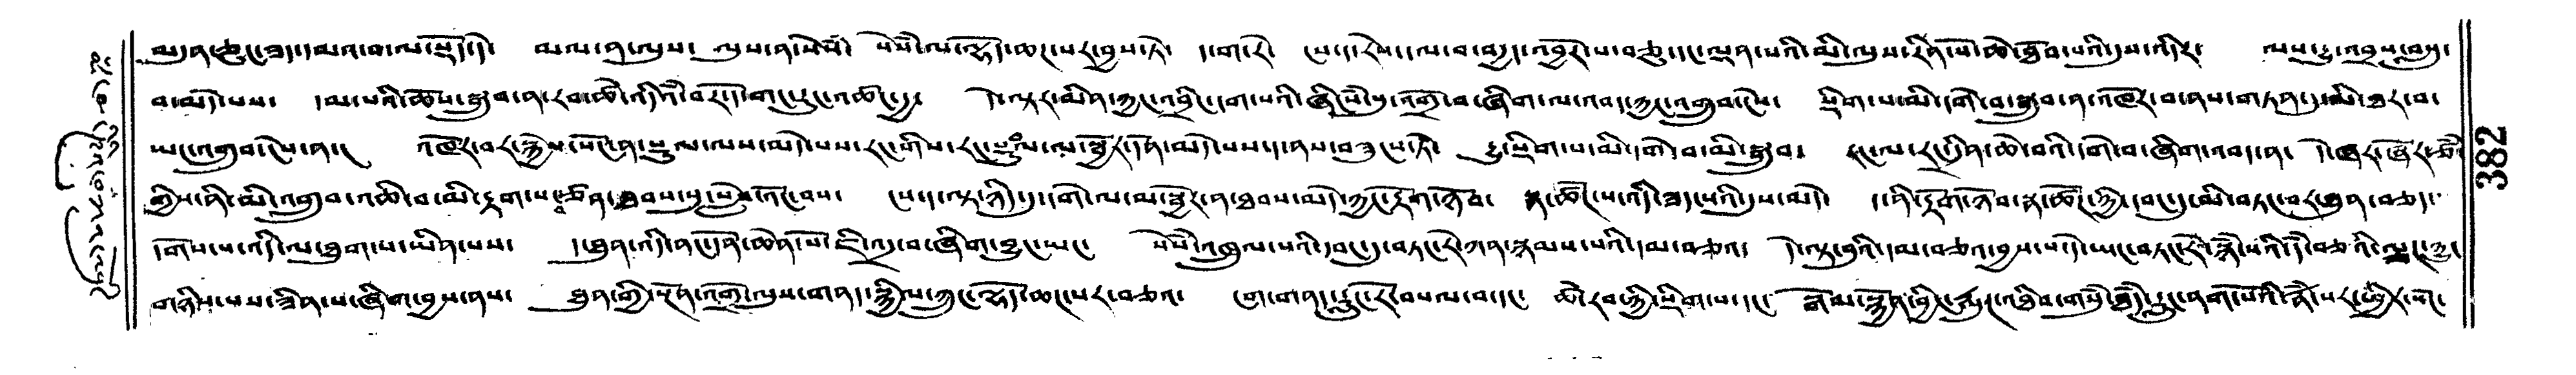མདུན་ཅུང་ཟད་དམའ་བ་ལ་སྡོད་དེ། མལ་ན་ལུས། ལུས་ན་སེམས། སེམས་ལ་ལྷོད་ཆགས་པར་བྱེད་ཏེ། ད་ག་རེ་ངས་ད་རེ་དལ་བ་བརྒྱད། འབྱོར་པ་བཅུ་དང་ལྡན་པའི་མི་ལུས་རིན་པོ་ཆེ་ཐོབ་པའི་དུས་འདིར། ལས་རྒྱུ་འབྲས་བསླུ་
བ་མེད་པས་དམ་པའི་ཆོས་སྒྲུབས་ན་རབ་ཚེ་འདིའམ་བར་དོ་གང་རུང་འཚང་རྒྱ། དེ་ལྟར་མིན་ཀྱང་འབྲིང་དག་པའི་ཞིང་ཁམས་སུ་འགྲོ་བ་ཞིག་ལ་འབད་ཀྱང་འགྲུབ་ངེས།སྡིག་པ་མི་དགེ་བ་སྒྲུབ་ན་འཁོར་བ་ནས་གཏན་དུ་མི་ཐར་བ་
ཡང་འགྲུབ་ངེས་ན། འཁོར་བར་སྐྱེས་སོང་ན་སྡུག་བསྔལ་ལས་མེད་པས་རང་གི་རང་སྡུག་བསྔལ་ལ་སྦྱོར་དོན་མེད་པས་ད་ནས་བཟུང་སྟེ་རྒྱུ་སྡིག་པ་མི་དགེ་བ་མི་བསྒྲུབ། རང་ལ་རང་དྲིན་ཆེ་བའི་དགེ་བ་ཞིག་འབད་ན། དེ་ཞར་ཞོར་ཙམ་
གྱིས་ནི་མི་འགྲུབ་འཆི་བ་མི་རྟག་པ་བཙན་ཐབས་སུ་སླེབ་འོང་བས། ངས་ད་ལྟ་ཉིད་དུ་དགེ་ལ་མ་སྦྱར་ན་ཐབས་མེད་ཀྱང་རྟོག་ཉོབ་སྣ་ཚོགས་པ་འདི་ཟད་པའི་དུས་མེད། ད་ནི་རྟོག་ཉོབ་སྣ་ཚོགས་ཀྱི་དབང་དུ་མི་བཏང་བར་ཐུན་བཅད་
དགོས་པ་འདི་ལ་ཐུག་པ་ཡིན་པས་ད་ཐུན་འདིའི་ནང་དོན་ཆེན་པོ་ཇི་འདྲ་བ་ཞིག་བྱུང་ཡང་སེམས་འཁྲུལ་པའི་དབང་དུ་གཏང་རེ་ཀན་སྙམ་པའི་དམ་བཅའ། དེ་ལྟ་བུའི་དམ་བཅའ་བྱས་པ་དེ་ཡང་བཏང་ཏེ་སྙམ་པའི་དམ་བཅའི་ལྕགས་ཀྱུ་
གཉིས་པས་ཟིན་པ་ཞིག་བྱས་ནས། ཐུན་གྱི་སྔོན་འགྲོ་ལུས་གནད་སྐྱིལ་ཀྲུང་ལྷོད་ཆགས་པར་བཅའ། ངག་གནད་རླུང་རོ་བསལ་བ་དང་། ཚེ་རབས་ཀྱི་སྡིག་པ་དང་སྒོམ་སྐྱོན་བྱིང་རྨུགས་འཐིབ་གསུམ་ཐམས་ཅད་རླུང་ནག་པོའི་རྣམ་པར་ཕྱིར་སོང་